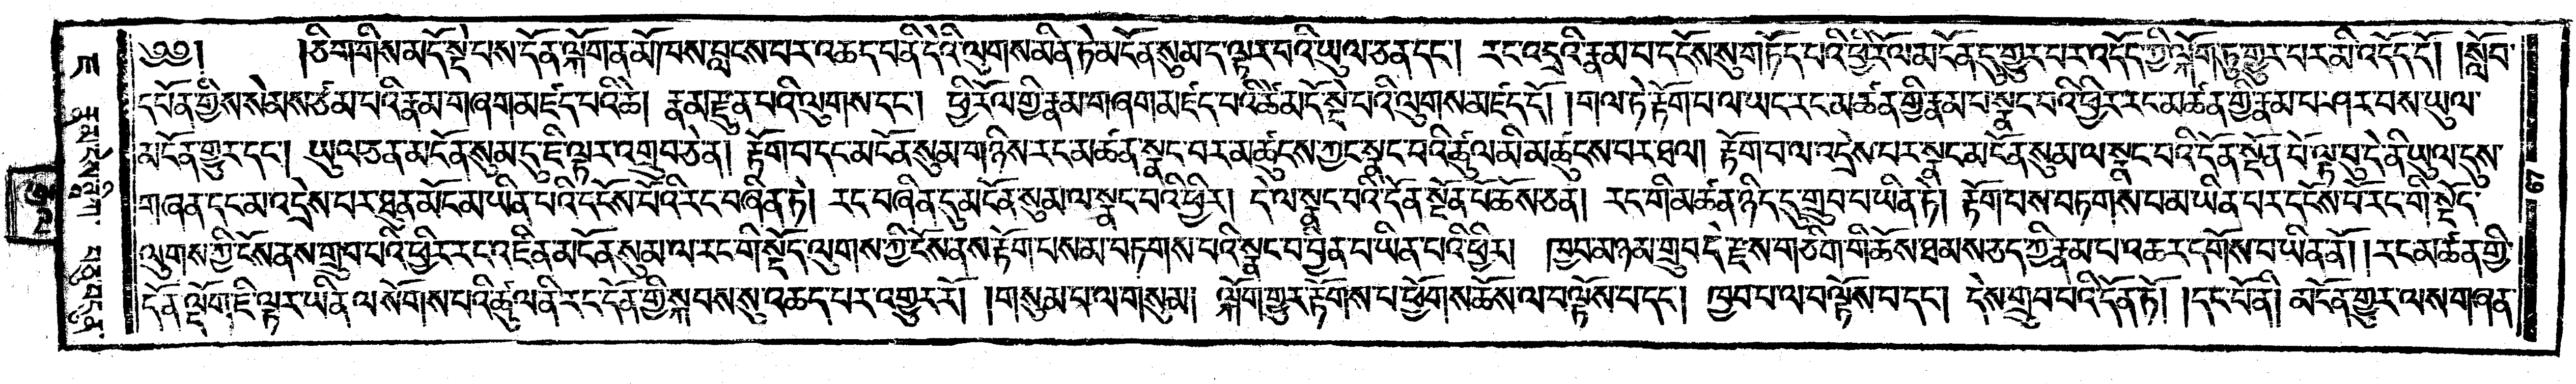༄༅། །ཅིག་གིས་མདོ་སྡེ་པས་དོན་ལྐོག་ན་མོ་ཁས་བླངས་པར་འཆད་པ་ནི་དེའི་ལུགས་མིན་ཏེ་མངོན་སུམ་ད་ལྟར་བའི་ཡུལ་ཅན་དང་། རང་འདྲའི་རྣམ་པ་དངོས་སུ་གཏོད་པའི་ཕྱི་རོལ་མངོན་དུ་གྱུར་པར་འདོད་ཀྱི་ལྐོག་ཏུ་གྱུར་པར་མི་འདོད་དོ། །སློབ་
དཔོན་གྱིས་སེམས་ཙམ་པའི་རྣམ་གཞག་མཛད་པའི་ཆེ། རྣམ་རྫུན་པའི་ལུགས་དང་། ཕྱི་རོལ་གྱི་རྣམ་གཞག་མཛད་པའི་ཚེ་མདོ་སྡེ་པའི་ལུགས་མཛད་དོ། །གལ་ཏེ་རྟོག་པ་ལ་ཡང་རང་མཚན་གྱི་རྣམ་པ་སྣང་བའི་ཕྱིར་རང་མཚན་གྱི་རྣམ་པ་ཤར་བས་ཡུལ་
མངོན་གྱུར་དང་། ཡུལ་ཅན་མངོན་སུམ་དུ་ཇི་ལྟར་འགྲུབ་ཅེ་ན། རྟོག་པ་དང་མངོན་སུམ་གཉིས་རང་མཚན་སྣང་བར་མཚུངས་ཀྱང་སྣང་བའི་ཚུལ་མི་མཚུངས་པར་ཐལ། རྟོག་པ་ལ་འདྲེས་པར་སྣང་མངོན་སུམ་ལ་སྣང་བའི་དོན་སྔོན་པོ་ལྟ་བུ་དེ་ནི་ཡུལ་དུས་
གཞན་དང་མ་འདྲེས་པར་ཐུན་མོང་མ་ཡིན་པའི་དངོས་པོའི་རང་བཞིན་ཏེ། རང་བཞིན་དུ་མངོན་སུམ་ལ་སྣང་བའི་ཕྱིར། དེ་ལ་སྣང་བའི་དོན་སྔོན་པོ་ཆོས་ཅན། རང་གི་མཚན་ཉིད་དུ་གྲུབ་པ་ཡིན་ཏེ། རྟོག་པས་བཏགས་པ་མ་ཡིན་པར་དངོས་པོ་རང་གི་སྡོད་
ལུགས་ཀྱི་ངོས་ནས་གྲུབ་པའི་ཕྱིར་རང་འཛིན་མངོན་སུམ་ལ་རང་གི་སྡོད་ལུགས་ཀྱི་ངོས་ནས་རྟོག་པས་མ་བཏགས་པའི་སྣང་བ་བྱིན་པ་ཡིན་པའི་ཕྱིར། ཁྱབ་མཉམ་གྲུབ་དེ་རྫས་གཅིག་གི་ཆོས་ཐམས་ཅད་ཀྱི་རྣམ་པ་འཆར་དགོས་པ་ཡིན་ནོ། །རང་མཚན་གྱི་
དོན་ལྡོག་ཇི་ལྟར་ཡིན་ལ་སོགས་པའི་ཚུལ་ནི་རང་དོན་གྱི་སྐབས་སུ་འཆད་པར་འགྱུར་རོ། །གསུམ་པ་ལ་གསུམ། ལྐོག་གྱུར་རྟོགས་པ་ཕྱོགས་ཆོས་ལ་བལྟོས་པ་དང་། ཁྱབ་པ་ལ་བལྟོས་པ་དང་། དེས་གྲུབ་པའི་དོན་ཏོ། །དང་པོ་ནི། མངོན་གྱུར་ལས་གཞན་